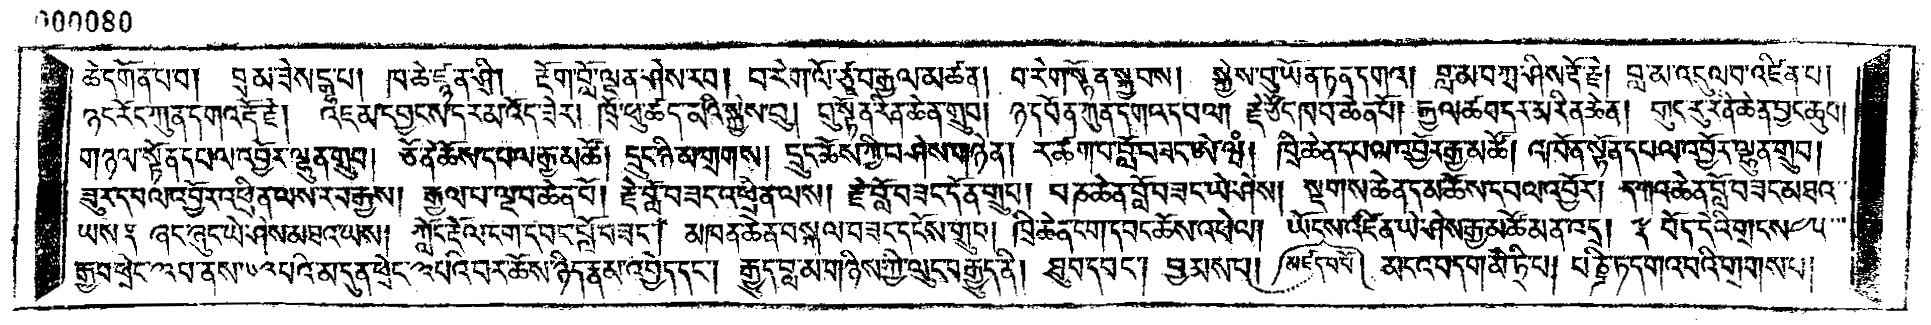ཆེ་དགོན་པ་བ། བྲམ་ཟེསྔྒྷ་པ། ཁ་ཆེ་ཛྙ་ན་ཤྲི། རྔོག་བློ་ལྡན་ཤེས་རབ། བ་རེག་ལོ་ཙཱ་བ་རྒྱལ་མཚན། བ་རེག་སྟོན་སྐྱབས། སྐྱེས་བུ་ཡོན་ཏན་དགའ། བླ་མ་བཀྲ་ཤིས་རྡོ་རྗེ། བླ་མ་འདུལ་བ་འཛིན་པ།
ཉང་རོང་ཀུན་དགའ་རྡོ་རྗེ། འཇམ་དབྱངས་དར་མ་འོད་ཟེར། ཁྲོ་ཕུ་ཚད་མའི་སྐྱེས་བུ། བུ་སྟོན་རིན་ཆེན་གྲུབ། ཉ་དཔོན་ཀུན་དགའ་དཔལ། རྗེ་ཙོང་ཁ་པ་ཆེན་པོ། རྒྱལ་ཚབ་དར་མ་རིན་ཆེན། གུང་རུ་རིན་ཆེན་བྱང་ཆུབ།
གཉལ་སྟོན་དཔལ་འབྱོར་ལྷུན་གྲུབ། ཅོ་ནེ་ཆོས་དཔལ་རྒྱ་མཚོ། དྲུང་ཉི་མ་གྲགས། དྲུང་ཆོས་ཀྱི་བཤེས་གཉེན། ར་ཚག་པ་བློ་བཟང་ཨེ་ཝཾ། ཁྲི་ཆེན་དཔལ་འབྱོར་རྒྱ་མཚོ། འཁོན་སྟོན་དཔལ་འབྱོར་ལྷུན་གྲུབ།
ཟུར་དཔལ་འབྱོར་འཕྲིན་ལས་རབ་རྒྱས། རྒྱལ་པ་ལྔ་བ་ཆེན་པོ། རྗེ་བློ་བཟང་འཕྲིན་ལས། རྗེ་བློ་བཟང་དོན་གྲུབ། པཎ་ཆེན་བློ་བཟང་ཡེ་ཤེས། སྔགས་ཆེན་དམ་ཆོས་དཔལ་འབྱོར། དཀའ་ཆེན་བློ་བཟང་མཐའ་
ཡས་༈ ཞང་ཞུང་ཡེ་ཤེས་མཐའ་ཡས། ཀློང་རྡོལ་ངག་དབང་བློ་བཟང་། མཁན་ཆེན་བསྐལ་བཟང་དངོས་གྲུབ། ཁྲི་ཆེན་ངག་དབང་ཆོས་འཕེལ། ཡོངས་འཛིན་ཡེ་ཤེས་རྒྱ་མཚོ་མན་འདྲ། ༈ པོད་དེའི་གྲངས ༤༥
རྒྱབ་ཕྲེང ༣་པ་ནས ༦༢་པའི་མདུན་ཕྲེང ༣་པའི་བར་ཆོས་ཉིད་རྣམ་འབྱེད་དང་། རྒྱུད་བླ་མ་གཉིས་ཀྱི་ལུང་བརྒྱུད་ནི། ཐུབ་དབང་། བྱམས་པ་༼མཛད་པ་པོ༽་མངའ་བདག་མཻ་ཏྲི་པ། པཎྜི་ཏ་དགའ་བའི་གྲགས་པ།